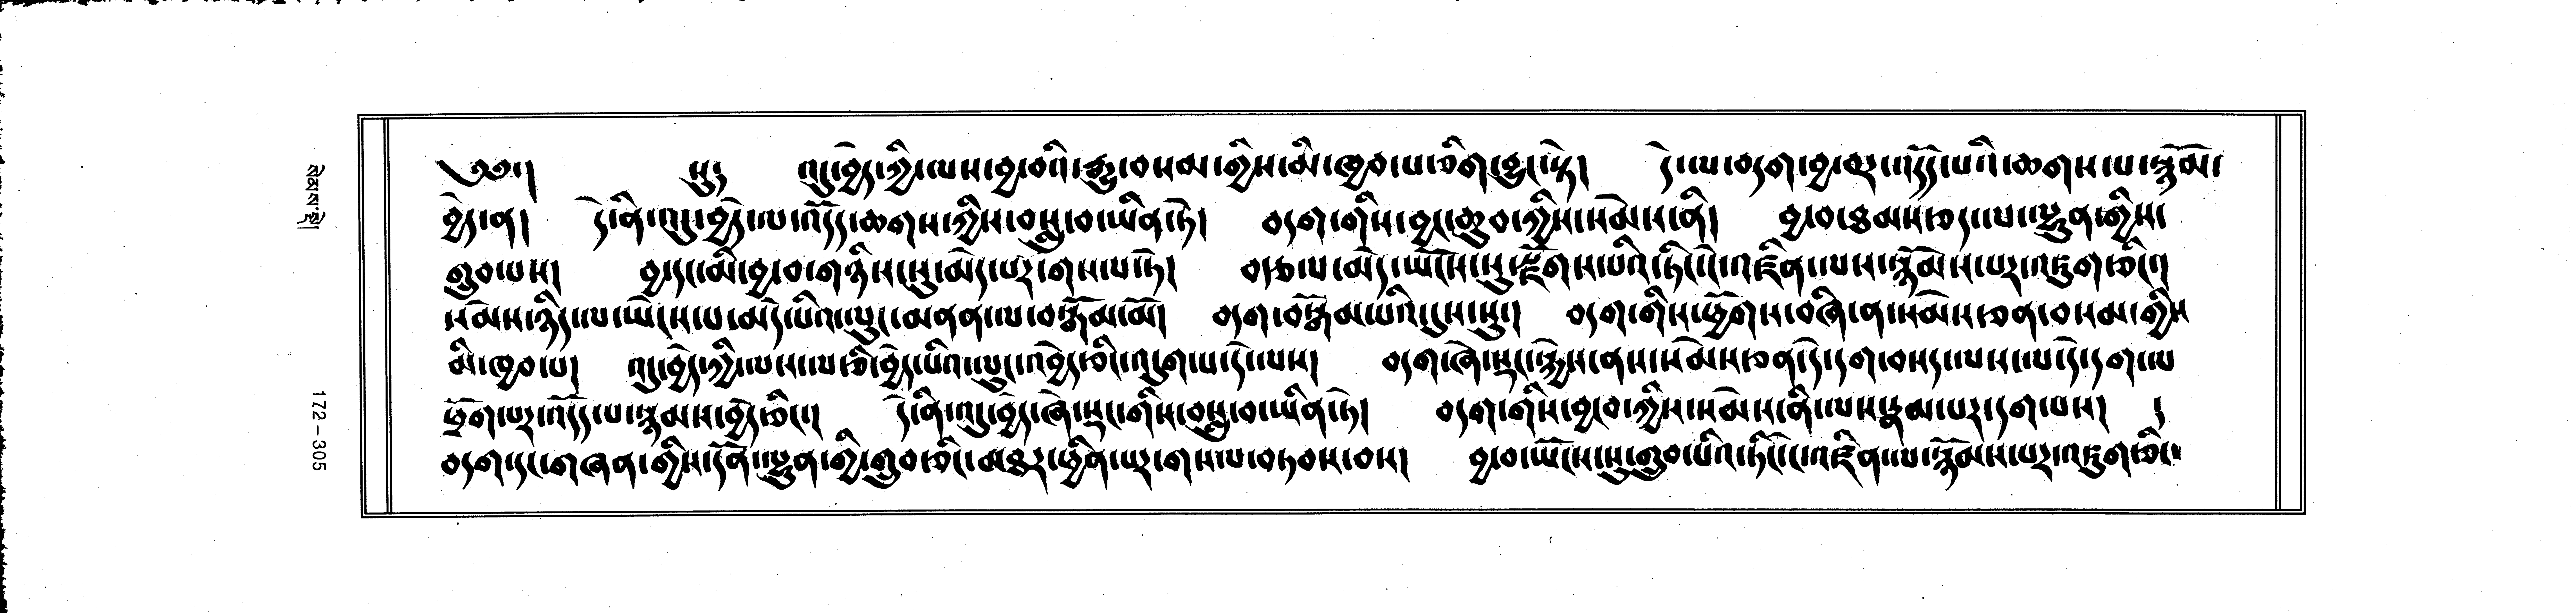སུ། འདུ་བྱེད་ལས་བྱ་བའི་རྒྱུ་བསམ་གྱིས་མི་ཁྱབ་པ་ཅིག་བྱུང་སྟེ། དེ་ལ་བདག་བྱ་བར་འདོད་པའི་ཆགས་པ་སྙོམས་
བྱེད་ན། དེ་ནི་འདུ་བྱེད་ལ་འདོད་ཆགས་ཀྱིས་བསླུ་བ་ཡིན་ཏེ། བདག་གིས་བྱང་ཆུབ་ཀྱིས་སེམས་ནི། བྱ་བ་ཐམས་ཅད་ལ་ལྷུན་གྱིས་
གྲུབ་པས། བྱ་དང་མི་བྱ་བ་གཉིས་སུ་མེད་པར་གསལ་ཏེ། བརྩལ་མེད་ཡོངས་སུ་རྫོགས་པའི་ཏིང་ངེ་འཛིན་ལས་སྙོམས་པར་འཇུག་ཅིང་། 
སེམས་ཉིད་ལ་གཡེངས་པ་མེད་པའི་ལུང་མནན་ལ་བསྒོམ་མོ། བདག་བསྒོམ་པའི་དུས་སུ། བདག་གིས་ཕྱོགས་བཞི་ན་སེམས་ཅན་བསམ་གྱིས་
མི་ཁྱབ་པ། འདུ་བྱེད་ཀྱི་ལས་ལ་ཅི་བྱེད་པའི་ལུང་འབྱེད་ཅིང་འདུག་པ་དེ་ལས། བདག་ཞེ་སྡང་སྐྱེད་ནས་སེམས་ཅན་དེ་དག་བསད་ལས་ལ་དེ་དག་ལ་
ཕྲོག་པར་འདོད་པ་སྙམས་བྱེད་ཅིང་། དེ་ནི་འདུ་བྱེད་ཞེ་སྡང་གིས་བསླུ་བ་ཡིན་ཏེ། བདག་གིས་བྱང་ཆུབ་ཀྱིས་སེམས་ནི་ལས་རྣམ་པར་དག་པས། 
བདག་དང་གཞན་གྱིས་དོན་ལྷུན་གྱི་གྲུབ་ཅིང་མཐར་ཕྱིན་པར་གསལ་བཏབས་བས། བྱ་བ་ཡོངས་སུ་གྲུབ་པའི་ཏིང་ངེ་འཛིན་ལ་སྙོམས་པར་འཇུག་ཅིང་